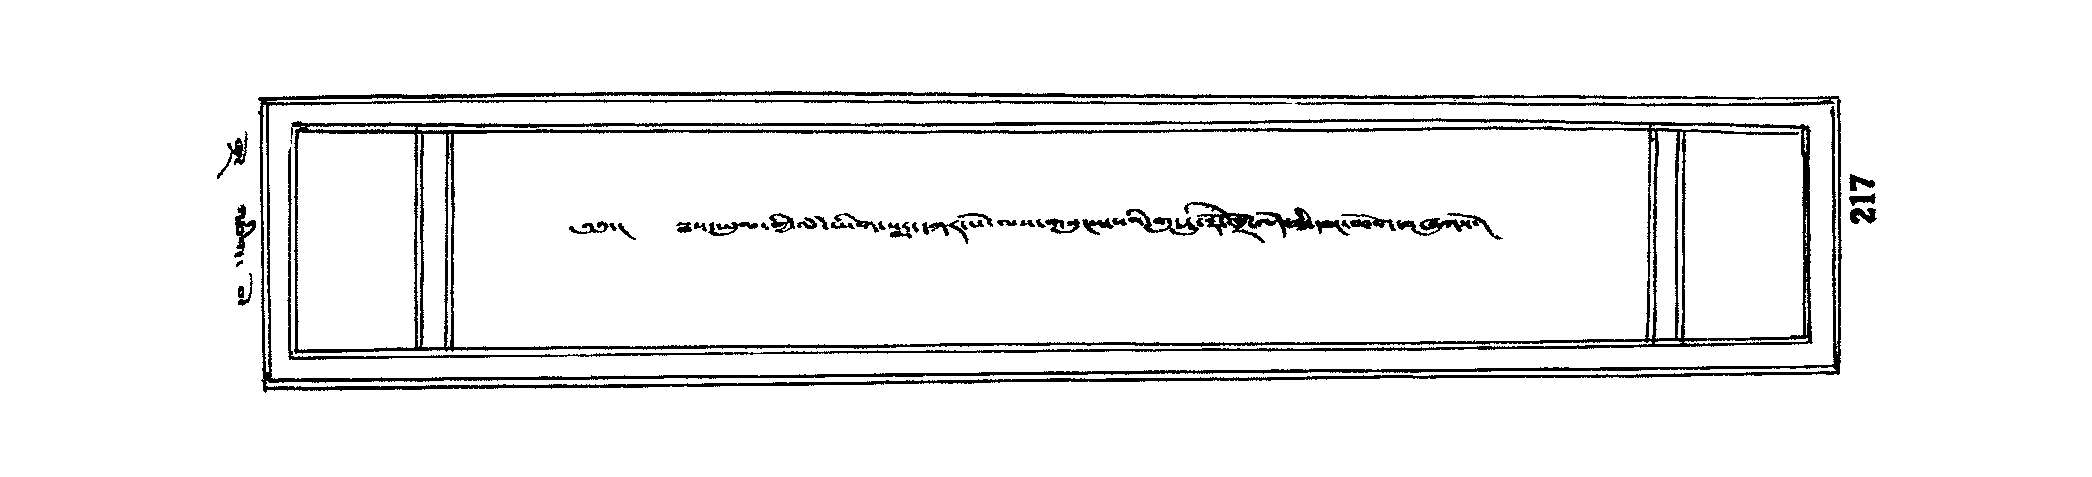༄༅། སྦསཔཡུལཔགྱིཔལམཔཡིགཔ་དྨཔདཀརཔ་ོཔལསཔགསུངསཔ་འིཔགུཔརུཔརྡཔོརྗེཔཁྲོཔལོདཔཀྱིཔདབངཔཆོགཔབཞུགསཔསོ།